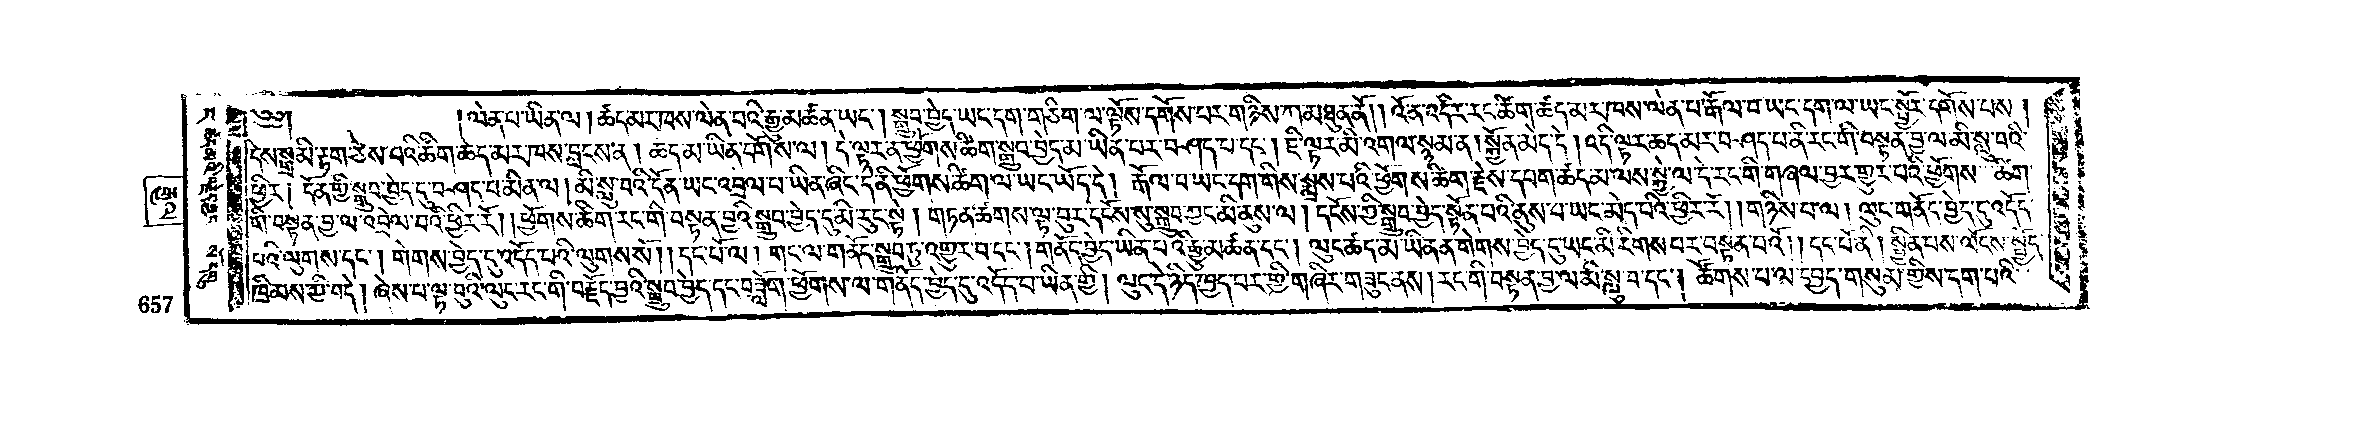༄༅། །ལེན་པ་ཡིན་ལ། ཚད་མར་ཁས་ལེན་པའི་རྒྱུ་མཚན་ཡང་། སྒྲུབ་བྱེད་ཡང་དག་གཅིག་ལ་ལྟོས་དགོས་པར་གཉིས་ཀ་མཐུན་ནོ། །འོ་ན་འདིར་རང་ཚིག་ཚད་མར་ཁས་ལེན་པ་རྒོལ་བ་ཡང་དག་ལ་ཡང་སྦྱོར་དགོས་པས།
དེས་སྒྲ་མི་རྟག་ཅེས་པའི་ཚིག་ཚེད་མར་ཁས་བླངས་ན། ཚད་མ་ཡིན་དགོས་ལ། དེ་ལྟར་ན་ཕྱོགས་ཚིག་སྒྲུབ་བྱེད་མ་ཡིན་པར་བཤད་པ་དང་། ཇི་ལྟར་མི་འགལ་སྙམ་ན། སྐྱོན་མེད་དེ། འདི་ལྟར་ཚད་མར་བཤད་པ་ནི་རང་གི་བསྟན་བྱ་ལ་མི་སླུ་བའི་
ཕྱིར། དོན་གྱི་སྒྲུབ་བྱེད་དུ་བཤད་པ་མིན་ལ། མི་སླུ་བའི་དོན་ཡང་འབྲལ་བ་ཡིན་ཞིང་དེ་ནི་ཕྱོགས་ཚིག་ལ་ཡང་ཡོད་དེ། རྒོལ་བ་ཡང་དག་གིས་སྨྲས་པའི་ཕྱོགས་ཆོས་རྗེས་དཔག་ཚད་མ་ལས་སྐྱེ་ལ་དེ་རང་གི་གཞལ་བྱར་གྱུར་པའི་ཕྱོགས་ཚིག་
གི་བསྟན་བྱ་ལ་འབྲེལ་པའི་ཕྱིར་རོ། །ཕྱོགས་ཚིག་རང་གི་བསྟན་བྱའི་སྒྲུབ་བྱེད་དུ་མི་རུང་སྟེ། གཏན་ཚིགས་ལྟ་བུར་དངོས་སུ་སྒྲུབ་ཀྱང་མི་ནུས་ལ། དངོས་ཀྱི་སྒྲུབ་བྱེད་སྟོན་པའི་ནུས་པ་ཡང་མེད་པའི་ཕྱིར་རོ། །གཉིས་པ་ལ། ལུང་གནོད་བྱེད་དུ་འདོད་
པའི་ལུགས་དང་། གེགས་བྱེད་དུ་འདོད་པའི་ལུགས་སོ། །དང་པོ་ལ། གང་ལ་གནོད་སྒྲུབ་ཏུ་འགྱུར་བ་དང་། གནོད་བྱེད་ཡིན་པའི་རྒྱུ་མཚན་དང་། ལུང་ཚད་མ་ཡིན་ན་གེགས་བྱེད་དུ་ཡང་མི་རིགས་པར་བསྟན་པའོ། །དང་པོ་ནི། སྦྱིན་པས་ལོངས་སྤྱོད་
ཁྲིམས་ཀྱི་བདེ། ཞེས་པ་ལྟ་བུའི་ལུང་རང་གི་བརྗོད་བྱའི་སྒྲུབ་བྱེད་དང་བཟློག་ཕྱོགས་ལ་གནོད་བྱེད་དུ་འདོད་པ་ཡིན་གྱི་།ལུང་དེ་ཉིད་ཁྱད་པར་གྱི་གཞིར་གཟུང་ནས། རང་གི་བསྟན་བྱ་ལ་མི་སླུ་བ་དང་། ཚོགས་པ་ལ་དཔྱད་གསུམ་གྱིས་དག་པའི་